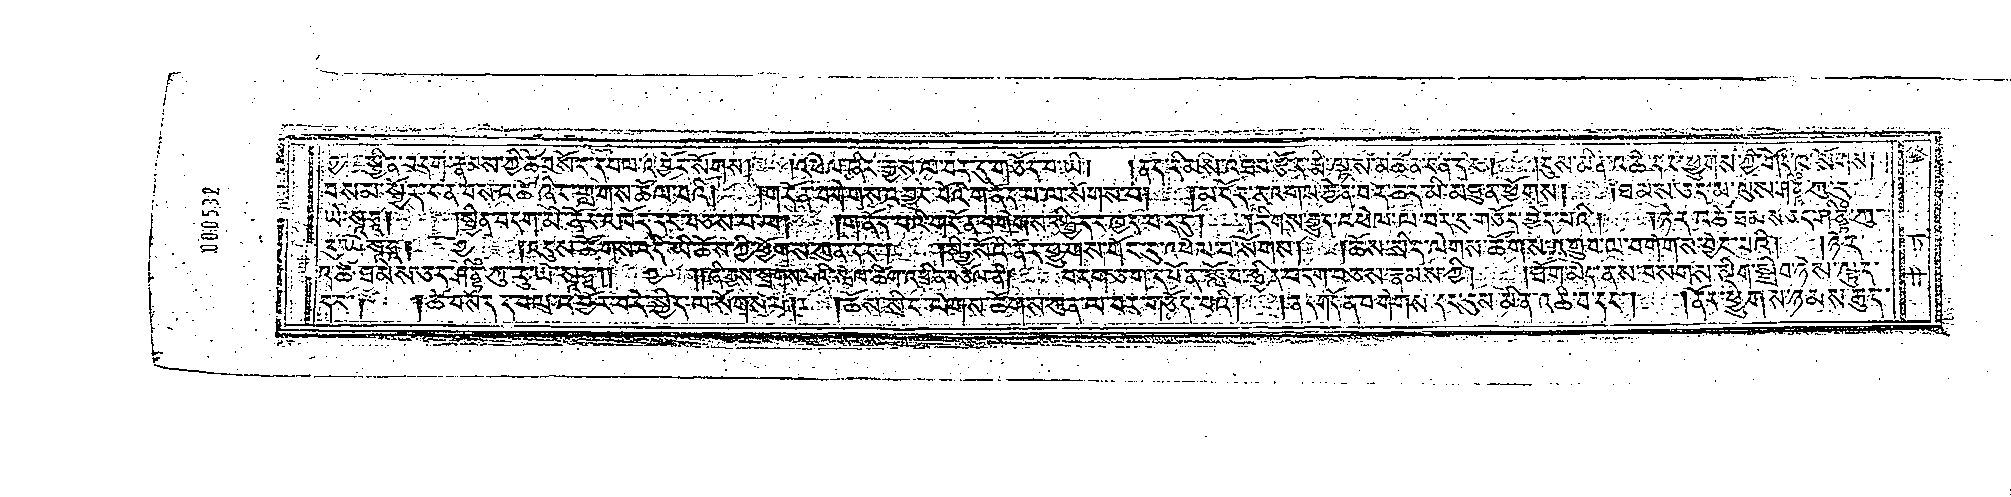༧་སྦྱིན་བདག་རྣམས་ཀྱི་ཚེ་བསོད་དཔལ་འབྱོར་སོགས། །འཕེལ་ཞིང་རྒྱས་ལ་བར་དུ་གཅོད་པ་ཡི། །ནད་རིམས་འཐབ་རྩོད་རྨི་ལྟས་མཚན་དན་དང་། །དུས་མིན་འཆི་དང་ཕྱུགས་ཀྱི་གོང་ཁ་སོགས། །
བསམ་སྦྱོར་ངན་པས་འཚེ་ཞིང་གླགས་ཚོལ་བའི། །གདོན་བགེགས་འབྱུང་པོའི་གནོད་པ་ལ་སོགས་པ། །མདོར་ན་འགལ་རྐྱེན་བར་ཆད་མི་མཐུན་ཕྱོགས། །ཐམས་ཅད་མ་ལུས་ཤནྟིཾ་ཀུ་རུ་
ཡེ་སྭཱཧཱ། །སྦྱིན་བདག་མི་ནོར་འཁོར་དང་བཅས་པ་ལ། །གནོད་པའི་གདོན་བགེགས་སྤྱིད་དང་ཁྱད་པར་དུ། །རིགས་རྒྱུད་འཕེལ་ལ་བར་དུ་གཅོད་བྱེད་པའི། །ཉེར་འཚེ་ཐམས་ཅད་ཤནྟིཾ་ཀུ་
རུ་ཡི་སྭཱཧཱ། ༧་།འདུས་ཚོགས་འདི་ཡི་ཆོས་ཀྱི་ཕྱོགས་ཀུན་དང་། །སྦྱི་སོའི་ནོར་ཕྱུགས་གོང་དུ་འཕེལ་བ་སོགས། །ཆོས་སྲིད་ལེགས་ཚོགས་འགྲུབ་ལ་བགེགས་བྱེད་པའི། །ཉེར་
འཚེ་ཐམས་ཅད་ཤནྟིཾ་ཀུ་རུ་ཡེ་སྭཱཧཱ།། ༧་།།ཞི་རྒྱས་སྦྲགས་པའི་སྤེལ་ཚིག་འཕྲིན་བཅོལ་ནི། བདག་ཅག་དཔོན་སློབ་སྦྱིན་བདག་བཅས་རྣམས་ཀྱི། །ཐོག་མེད་ནས་བསགས་སྡིག་སྒྲིབ་ཉེས་ལྟུང་
དང་། །ཚེ་བསོད་དཔལ་འབྱོར་བདེ་སྐྱིད་ལ་སོགས་པ། །ཆོས་སྲིང་ལེགས་ཚོགས་ཀུན་ལ་བར་གཅོད་པའི། །ནད་གདོན་བགེགས་དང་དུས་མིན་འཆི་བ་དང་། །ནོར་ཕྱུགས་ཉམས་རྒྱུད་